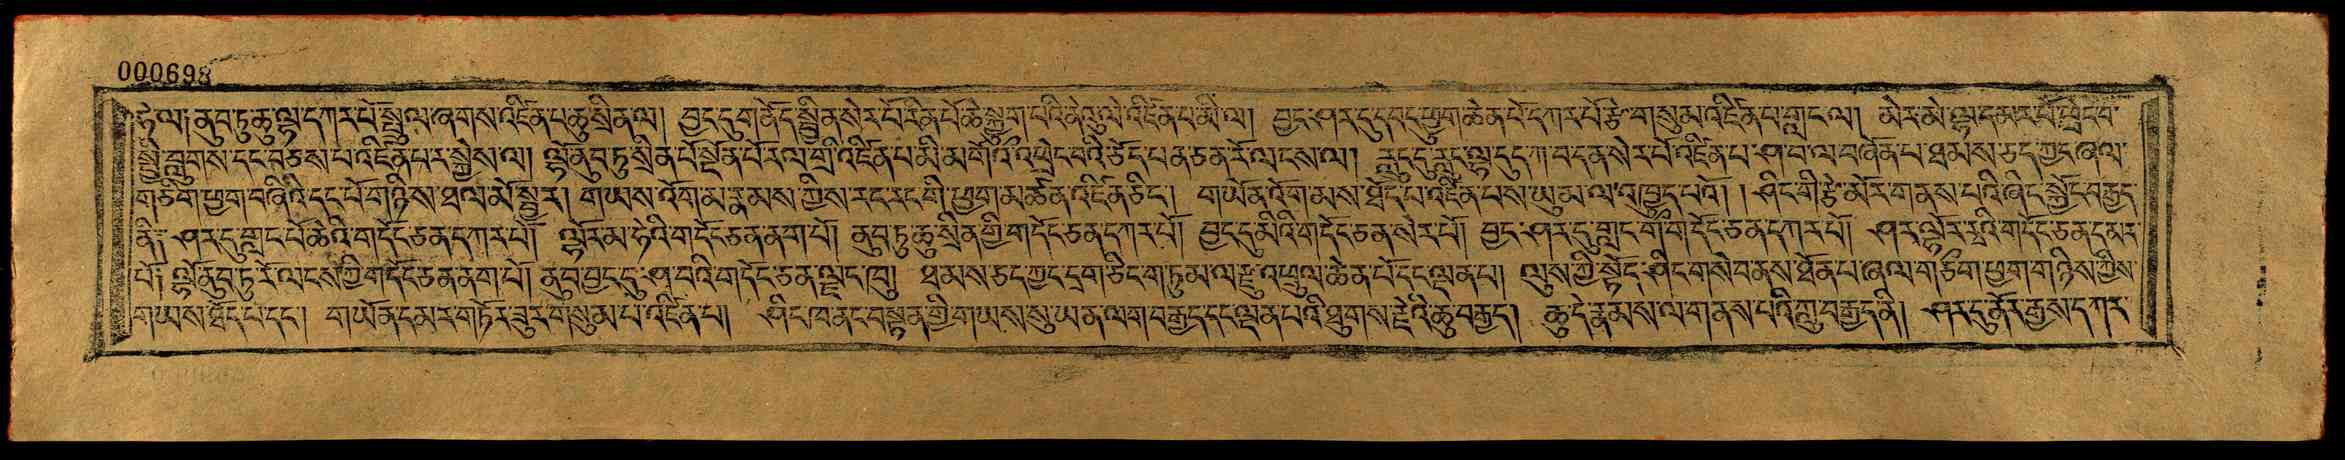ཧེ་ལ༑ ནུབ་ཏུ་ཆུ་ལྷ་དཀར་པོ་སྤྲུལ་ཞགས་འཛིན་པ་ཆུ་སྲིན་ལ། བྱང་དུ་གནོད་སྦྱིན་སེར་པོ་རིན་པོ་ཆེ་སྐྱུག་པའི་ནེའུ་ལེ་འཛིན་པ་མི་ལ། བྱང་ཤར་དུ་དབང་ཕྱུག་ཆེན་པོ་དཀར་པོ་རྩེ་གསུམ་འཛིན་པ་གླང་ལ། མེར་མེ་ལྷ་དམར་པོ་ཕྲེང་བ་
སྤྱི་བླུགས་དང་བཅས་པ་འཛིན་པ་རྭ་སྐྱེས་ལ། ལྷོ་ནུབ་ཏུ་སྲིན་པོ་སྔོན་པོ་རལ་གྲི་འཛིན་པ་མི་མགོའི་འཕྲེང་བའི་ཅོད་པན་ཅན་རོ་ལངས་ལ། རླུང་དུ་རླུང་ལྷ་དུད་ཀ་བ་དན་སེར་པོ་འཛིན་པ་ཤ་བ་ལ་བཞོན་པ་ཐམས་ཅད་ཀྱང་ཞལ་
གཅིག་ཕྱག་བཞིའི་དང་པོ་གཉིས་ཐལ་མོ་སྦྱར། གཡས་འོག་མ་རྣམས་ཀྱིས་རང་རང་གི་ཕྱག་མཚན་འཛིན་ཅིང་། གཡོན་འོག་མས་ཐོད་པ་འཛིན་པས་ཡུམ་ལ་འཁྱུད་པའོ། །ཤིང་གི་རྩེ་མོར་གནས་པའི་ཞིང་སྐྱོང་བརྒྱད་
ནི༑ ཤར་དུ་གླང་པོ་ཆེའི་གདོང་ཅན་དཀར་པོ། ལྷོར་མ་ཧེའི་གདོང་ཅན་ནག་པོ། ནུབ་ཏུ་ཆུ་སྲིན་གྱི་གདོང་ཅན་དཀར་པོ། བྱང་དུ་མིའི་གདོང་ཅན་སེར་པོ། བྱང་ཤར་དུ་གླང་གྀ་གདོང་ཅན་དཀར་པོ། ཤར་ལྷོར་རྭའི་གདོང་ཅན་དམར་
པོ༑ ལྷོ་ནུབ་ཏུ་རོ་ལངས་ཀྱི་གདོང་ཅན་ནག་པོ། ནུབ་བྱང་དུ་ཤ་བའི་གདོང་ཅན་ལྗང་ཁུ། ཐམས་ཅད་ཀྱང་དྲག་ཅིང་གཏུམ་ལ་རྫུ་འཕྲུལ་ཆེན་པོ་དང་ལྡན་པ། ལུས་ཀྱི་སྟོད་ཤིང་གསེབ་ནས་ཐོན་པ་ཞལ་གཅིག་ཕྱག་གཉིས་ཀྱི་
གཡས་ཐོད་པ་དང་། གཡོན་དམར་གཏོར་ཟུར་གསུམ་པ་འཛིན་པ། ཤིང་ཁ་ནང་བསྟན་གྱི་གཡས་སུ་ཡན་ལག་བརྒྱད་དང་ལྡན་པའི་ཐུགས་རྗེའི་ཆུ་བརྒྱད། ཆུ་དེ་རྣམས་ལ་གནས་པའི་ཀླུ་བརྒྱད་ནི། ཤར་དུ་ནོར་རྒྱས་དཀར་